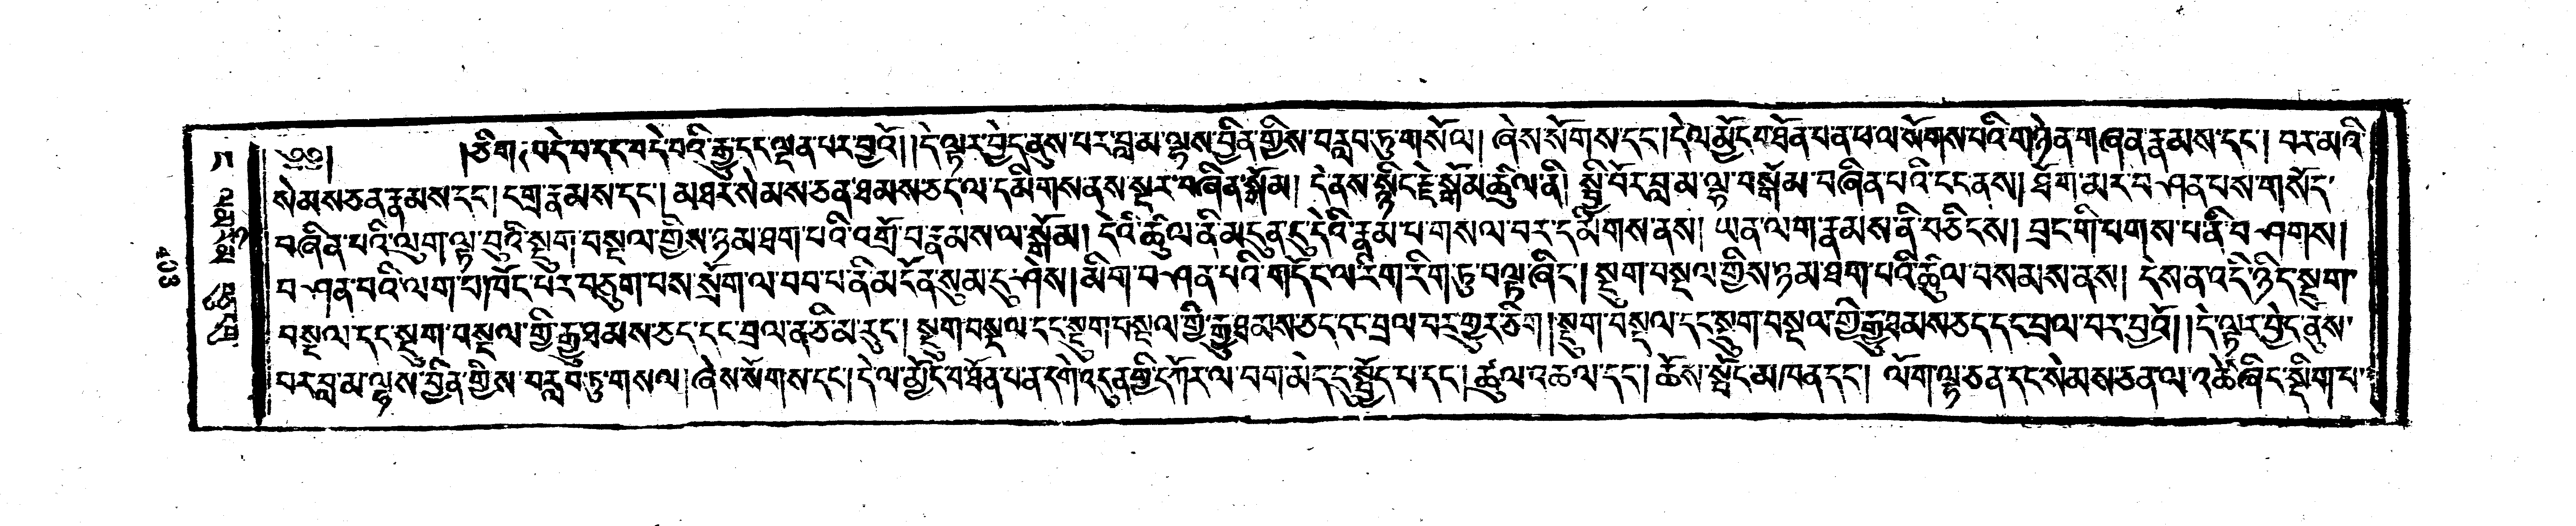༄༅། །ཅིག ༑བདེ་བ་དང་བདེ་བའི་རྒྱུ་དང་ལྡན་པར་བྱའོ། །དེ་ལྟར་བྱེད་ནུས་པར་བླ་མ་ལྷས་བྱིན་གྱིས་བརླབ་ཏུ་གསོལ། ཞེས་སོགས་དང་། དེ་ལ་མྱོང་བ་ཐོན་པ་ན་ཕ་ལ་སོགས་པའི་གཉེན་གཞན་རྣམས་དང་། བར་མའི་
སེམས་ཅན་རྣམས་དང་། དགྲ་རྣམས་དང་། མཐར་སེམས་ཅན་ཐམས་ཅད་ལ་དམིགས་ནས་སྔར་བཞིན་སྒོམ། དེ་ནས་སྙིང་རྗེ་སྒོམ་ཚུལ་ནི། སྤྱི་བོར་བླ་མ་ལྷ་བསྒོམ་བཞིན་པའི་ངང་ནས། ཐོག་མར་བཤན་པས་གསོད་
བཞིན་པའི་ལུག་ལྟ་བུའི་སྡུག་བསྔལ་གྱིས་ཉམ་ཐག་པའི་འགྲོ་བ་རྣམས་ལ་སྒོམ། དེའི་ཚུལ་ནི་མདུན་དུ་དེའི་རྣམ་པ་གསལ་བར་དམིགས་ནས། ཡན་ལག་རྣམས་ནི་བཅིངས། བྲང་གི་པགས་པ་ནི་བཤགས།
བཤན་པའི་ལག་པ་ཁོང་པར་བཅུག་པས་སྲོག་ལ་བབ་པ་ནི་མངོན་སུམ་དུ་ཤེས། མིག་བཤན་པའི་གདོང་ལ་རིག་རིག་ཏུ་བལྟ་ཞིང་། སྡུག་བསྔལ་གྱིས་ཉམ་ཐག་པའི་ཚུལ་བསམས་ནས། དེས་ན་འདི་ཉིད་སྡུག་
བསྔལ་དང་སྡུག་བསྔལ་གྱི་རྒྱུ་ཐམས་ཅད་དང་བྲལ་ན་ཅི་མ་རུང་། སྡུག་བསྔལ་དང་སྡུག་བསྔལ་གྱི་རྒྱུ་ཐམས་ཅད་དང་བྲལ་བར་གྱུར་ཅིག །སྡུག་བསྔལ་དང་སྡུག་བསྔལ་གྱི་རྒྱུ་ཐམས་ཅད་དང་བྲལ་བར་བྱའོ། །དེ་ལྟར་བྱེད་ནུས་
པར་བླ་མ་ལྷས་བྱིན་གྱིས་བརླབ་ཏུ་གསོལ། ཞེས་སོགས་དང་། དེ་ལ་མྱོང་བ་ཐོན་པ་ན་དགེ་འདུན་གྱི་དཀོར་ལ་བག་མེད་དུ་སྤྱོད་པ་དང་། ཚུལ་འཆལ་དང་། ཆོས་སྤོང་མཁན་དང་། ལོག་ལྟ་ཅན་དང་སེམས་ཅན་ལ་འཚེ་ཞིང་སྡིག་པ་